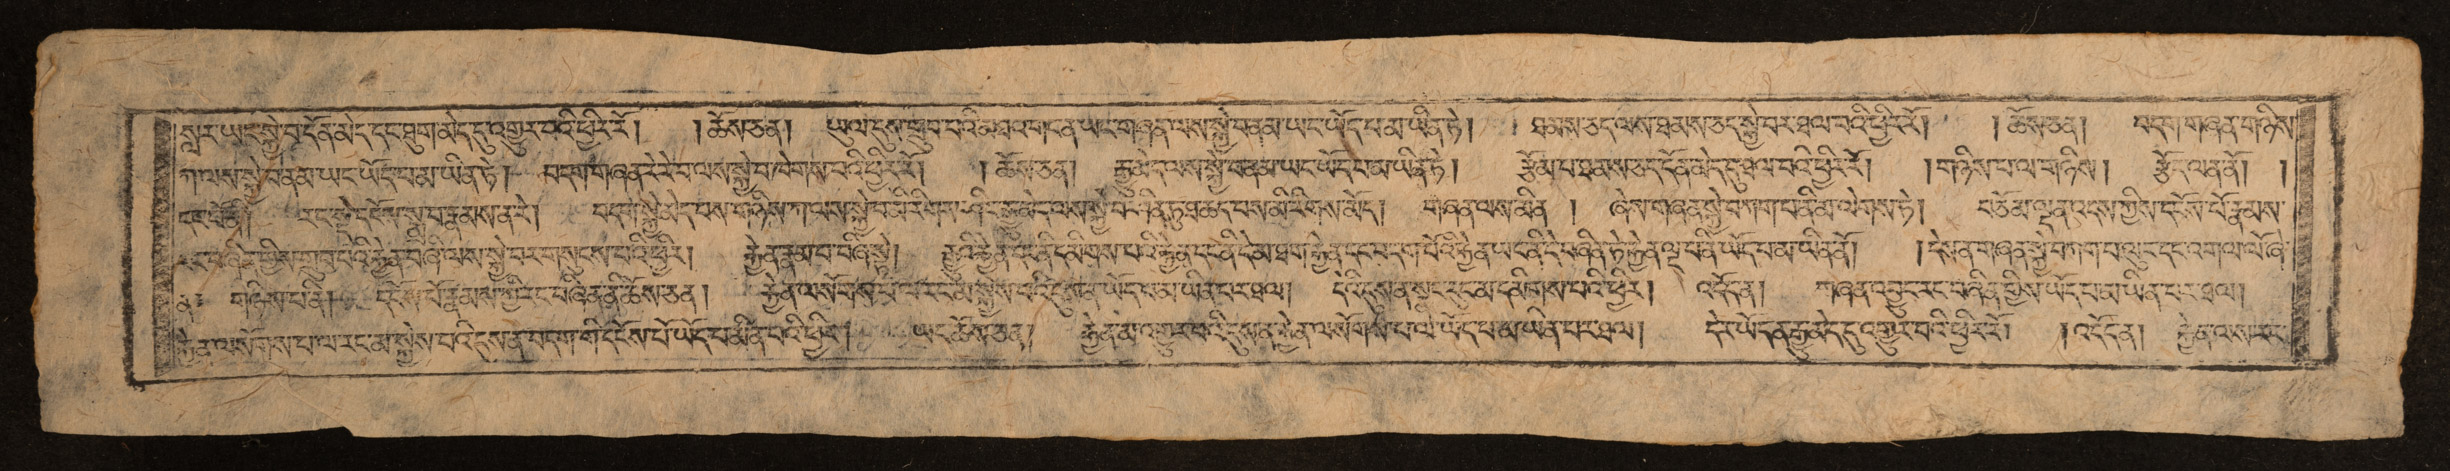སླར་ཡང་སྐྱེ་བ་དོན་མེད་དང་ཐུག་མེད་དུ་འགྱུར་བའི་ཕྱིར་རོ། །ཆོས་ཅན། ཡུལ་དུས་གྲུབ་པའི་མཐའ་གང་ན་ཡང་གཞན་ལས་སྐྱེ་བ་ནམ་ཡང་ཡོད་པ་མ་ཡིན་ཏེ། ཐམས་ཅད་ལས་ཐམས་ཅད་སྐྱེ་བར་ཐལ་བའི་ཕྱིར་རོ། །ཆོས་ཅན། བདག་གཞན་གཉིས་
ཀ་ལས་སྐྱེ་བ་ནམ་ཡང་ཡོད་པ་མ་ཡིན་ཏེ། བདག་གཞན་རེ་རེ་བ་ལས་སྐྱེ་བ་ཁེགས་པའི་ཕྱིར་རོ། །ཆོས་ཅན། རྒྱུ་མེད་ལས་སྐྱེ་བ་ནམ་ཡང་ཡོད་པ་མ་ཡིན་ཏེ། རྩོམ་པ་ཐམས་ཅད་དོན་མེད་དུ་ཐལ་བའི་ཕྱིར་རོ། །གཉིས་པ་ལ་གཉིས། །རྩོད་ལན་ནོ།།
དང་པོ་ནི། རང་སྡེ་དངོས་སྨྲ་བ་རྣམས་ན་རེ། བདག་སྐྱེ་མེད་པས་གཉིས་ཀ་ལས་སྐྱེ་བ་མི་རིགས་ཤིང་རྒྱུ་མེད་ལས་སྐྱེ་བ་ཤིན་ཏུ་ཐ་ཆད་པས་མི་རིགས་མོད། །གཞན་ལས་མིན། ཞེས་གཞན་སྐྱེ་བ་བཀག་པ་ནི་མ་ལེགས་ཏེ། བཅོམ་ལྡན་འདས་ཀྱིས་དངོས་པོ་རྣམས་
རང་བཞིན་གྱིས་གྲུབ་པའི་རྐྱེན་བཞི་ལས་སྐྱེ་བར་གསུངས་པའི་ཕྱིར། རྐྱེན་རྣམ་པ་བཞི་སྟེ། རྒྱུའི་རྐྱེན་དང་ནི་དམིགས་པའི་རྐྱེན་དང་ནི་དེ་མ་ཐག་རྐྱེན་དང་བདག་པོའི་རྐྱེན་ཡང་ནི་དེ་བཞིན་ཏེ་རྐྱན་ལྔ་པ་ནི་ཡོད་པ་མ་ཡིན་ནོ། །དེས་ན་གཞན་སྐྱེ་བཀག་པ་ལུང་དང་འགལ་ལོ་ཞེ་
ན༑ གཉིས་པ་ནི། དངོས་པོ་རྣམས་ཀྱི་རང་བཞིན་ནི་ཆོས་ཅན། རྐྱེན་ལ་སོགས་པ་ལ་རང་མ་སྐྱེས་པའི་དུས་ན་ཡོད་པ་མ་ཡིན་པར་ཐལ། དེའི་དུས་ན་སྔ་རུང་མ་དམིགས་པའི་ཕྱིར། འདོད་ན། གཞན་འབྱུང་རུང་བཞིན་གྱིས་ཡོད་པ་མ་ཡིན་པར་ཐལ།
རྐྱེན་ལ་སོགས་པ་ལ་རང་མ་སྐྱེས་པའི་དུས་ན་བདག་གི་དངོས་པོ་ཡོད་པ་མིན་པའི་ཕྱིར། ཡང་ཆོས་ཅན། རྐྱེན་མ་འགྱུར་བའི་དུས་ན་རྐྱེན་ལ་སོགས་པ་ལ་ཡོད་པ་མ་ཡིན་པར་ཐལ། དེར་ཡོད་ན་རྒྱུ་མེད་དུ་འགྱུར་བའི་ཕྱིར་རོ། །འདོད་ན། རྐྱེན་ལས་རང་